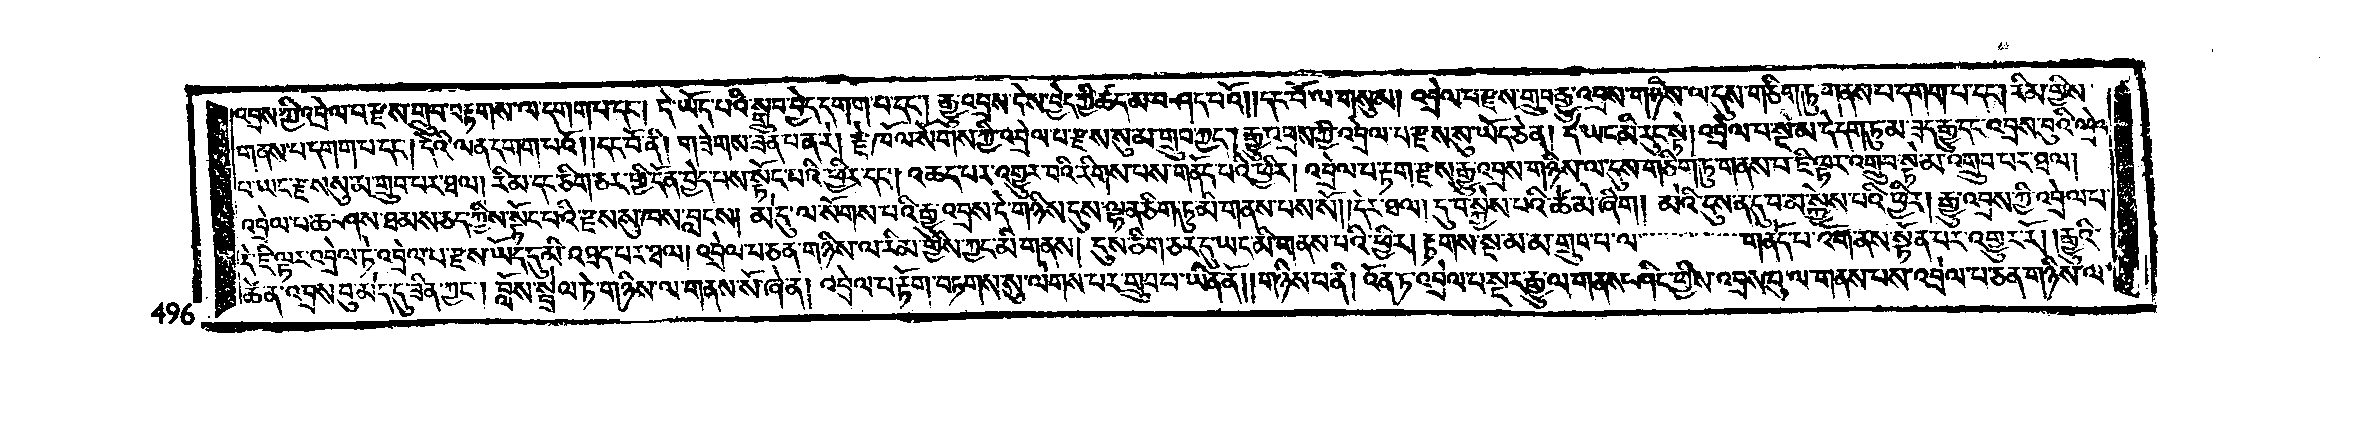འབྲས་ཀྱི་འབྲེལ་པ་རྫས་གྲུབ་བརྟགས་ལ་དགག་པ་དང་། དེ་ཡོད་པའི་སྒྲུབ་བྱེད་དགག་པ་དང་། རྒྱུ་འབྲས་ངེས་བྱེད་ཀྱི་ཚད་མ་བཤད་པའོ། །དང་པོ་ལ་གསུམ། འབྲེལ་པ་རྫས་གྲུབ་རྒྱུ་འབྲས་གཉིས་ལ་དུས་གཅིག་ཏུ་གནས་པ་དགག་པ་དང་། རིམ་
གྱིས་གནས་པ་དགག་པ་དང་། དེའི་ལན་དགག་པའོ། །དང་པོ་ནི། གཟེགས་ཟན་པ་ན་རེ། རྗེ་ཁོལ་སོགས་ཀྱི་འབྲེལ་པ་རྫས་སུ་མ་གྲུབ་ཀྱང་། རྒྱུ་འབྲས་ཀྱི་འབྲེལ་པ་རྫས་སུ་ཡོད་ཅེ་ན། དེ་ཡང་མི་རུང་སྟེ། འབྲེལ་པ་སྔ་མ་དེ་དག་ཏུ་མ་ཟད་རྒྱུ་དང་འབྲས་བུའི་འབྲེལ་
པ་ཡང་རྫས་སུ་མ་གྲུབ་པར་ཐལ། རིམ་དང་ཅིག་ཅར་གྱི་དོན་བྱེད་པས་སྟོང་བའི་ཕྱིར་དང་། འཆད་པར་འགྱུར་བའི་རིགས་པས་གནོད་པའི་ཕྱིར། འབྲེལ་པ་རྟག་རྫས་རྒྱུ་འབྲས་གཉིས་ལ་དུས་གཅིག་ཏུ་གནས་པ་ཇི་ལྟར་འགྲུབ་སྟེ་མ་གྲུབ་པར་ཐལ། འབྲེལ་པ་ཆ་ཤས་ཐམས་ཅད་ཀྱིས་སྟོང་པའི་རྫས་སུ་ཁས་བླངས། མེ་དུ་ལ་སོགས་པའི་རྒྱུ་འབྲས་དེ་གཉིས་དུས་ལྷན་ཅིག་ཏུ་མི་གནས་པས་སོ། །དེར་ཐལ། དུ་བ་སྐྱེས་པའི་ཚེ་མེ་ཞིག །མེའི་དུས་ན་དུ་བ་མ་སྐྱེས་པའི་ཕྱིར། རྒྱུ་འབྲས་ཀྱི་འབྲེལ་པ་དེ་ཇི་ལྟར་འབྲེལ་ཏེ་འབྲེལ་པ་རྫས་
ཡོད་དུ་མི་འཐད་པར་ཐལ། འབྲེལ་པ་ཅན་གཉིས་ལ་རིམ་གྱིས་ཀྱང་མི་གནས། དུས་ཅིག་ཅར་དུ་ཡང་མི་གནས་པའི་ཕྱིར། རྟགས་སྔ་མ་མ་གྲུབ་པ་ལ་གནོད་པ་འོག་ནས་སྟོན་པར་འགྱུར་རོ། །རྒྱུའི་ཚེ་ན་འབྲས་བུ་མེད་དུ་ཟིན་ཀྱང་། བློས་སྤྲེལ་ཏེ་གཉིས་ལ་གནས་སོ་
ཞེ་ན། འབྲེལ་པ་རྟོག་བཏགས་སུ་ལེགས་པར་གྲུབ་པ་ཡིན་ནོ། །གཉིས་པ་ནི། འོན་ཏེ་འབྲེལ་པ་སྔར་རྒྱུ་ལ་གནས་ཤིང་ཕྱིས་འབྲས་བུ་ལ་གནས་པས་འབྲེལ་པ་ཅན་གཉིས་ལ་